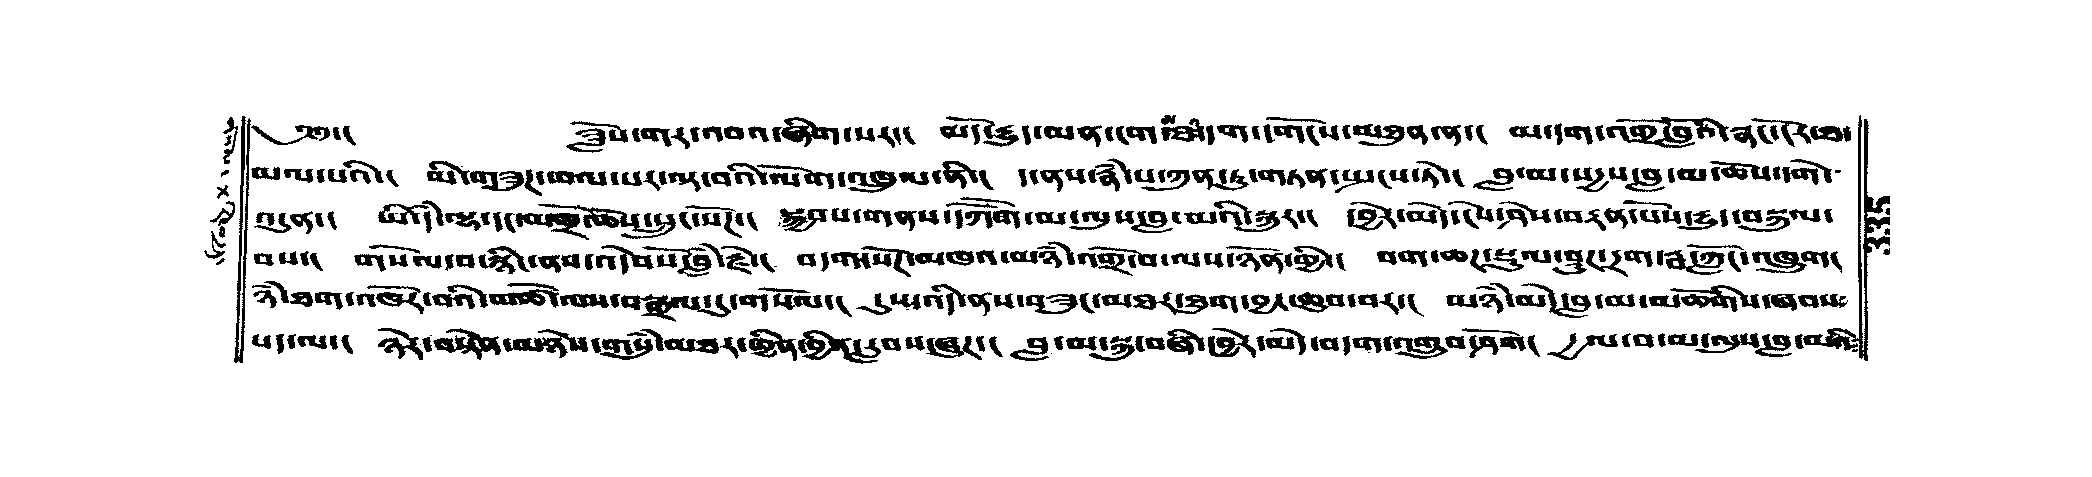ཟློས་གར་འབའ་ཞིག་སར། །མདོ་རྒྱུད་མན་ངག་མཐའ་དག་དགོངས་མཐུན་ན། །མ་དག་འགྲོ་བློའི་སྣང་ངོར་ཐ་
མལ་པའི། །མི་གཟུགས་ཕལ་པར་ལྟ་བའི་ལོག་འཁྲུལ་ནི། །ད་ནས་རྣམ་པ་ཀུན་ཏུ་གཏན་སྤངས་ཏེ། །བླ་མ་སངས་རྒྱས་བླ་མ་ཆོས་དགེ་
འདུན། །ཡི་དམ་ལྷ་དང་མཁའ་འགྲོ་ཆོས་སྲུང་སོགས། །སྐྱབས་གནས་དཀོན་མཆོག་མ་ལུས་བླ་མའི་སྐུར། །དབྱེར་མེད་ངེས་ཤེས་བརྟན་པོས་རྒྱུད་བསྐུལ་
བས། །གསོལ་བ་སྙིང་ནས་འདེབས་སོ་བླ་མ་རྗེ། །བདག་སོགས་མཁའ་མཉམ་འགྲོ་བ་ལས་ཉོན་གྱི། །བག་ཆགས་སྡུག་བསྔལ་ཤུགས་དྲག་རྦ་ཀློང་འཁྲུག །
ཉམ་ཐག་འཁོར་བའི་མཚོ་ལས་བསྒྲལ་དུ་གསོལ། །དུས་འདི་ནས་བཟུང་མཐར་ཐུག་བྱང་ཆུབ་བར། །མཉམ་མེད་བླ་མ་མཆོག་གིས་ཞབས་
པད་ལ། །ཉེར་བསྟེན་མཉེས་གསུམ་མཐར་ཕྱིན་བྱིན་རླབས་ཞུགས། །བླ་མ་སྐུ་བཞི་དབྱེར་མེད་བདག་འགྲུབ་ཤོག །རྒྱལ་བ་མ་ལུས་བླ་མའི་